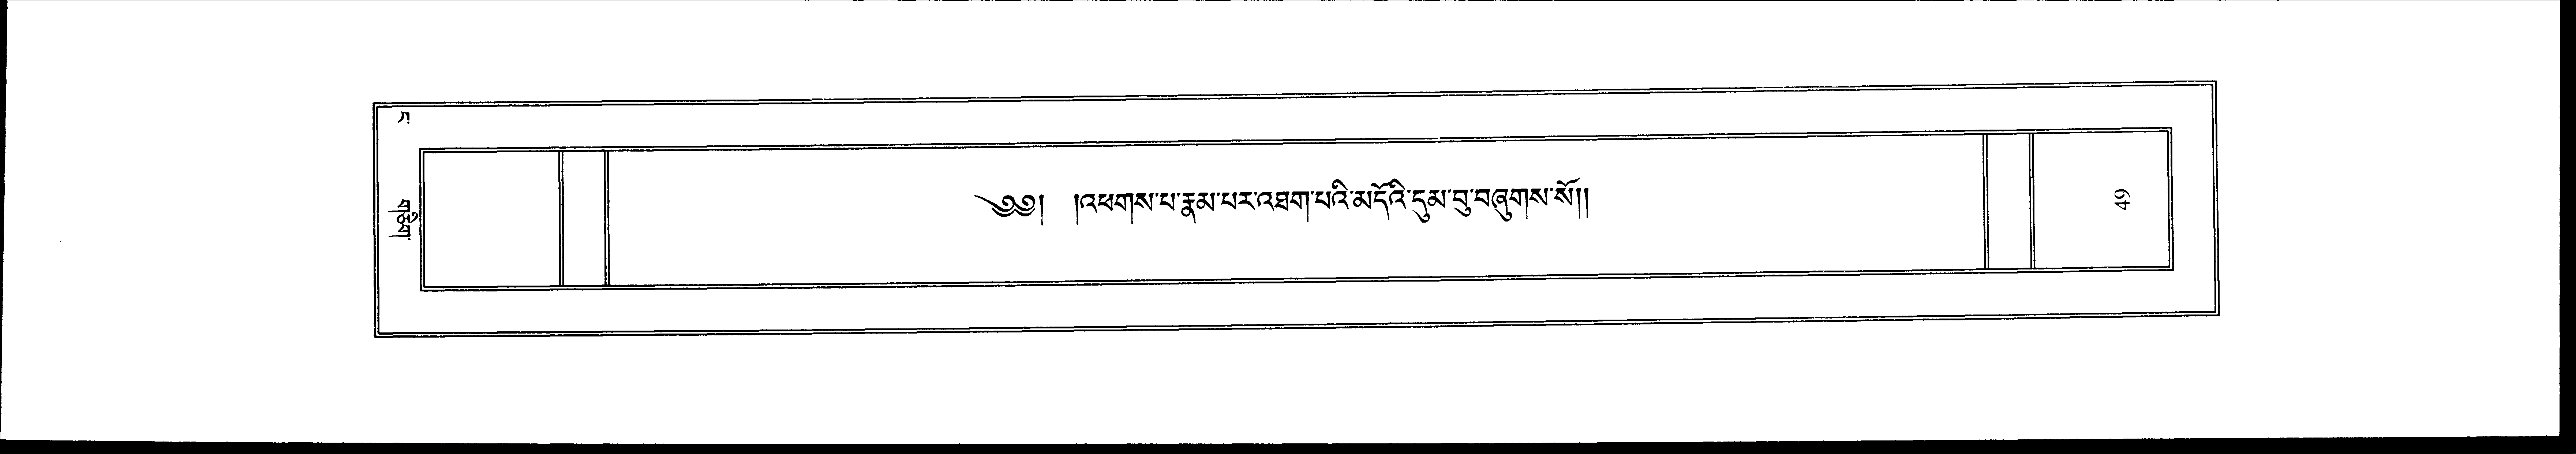༄༅། །འཕགས་པ་རྣམ་པར་འཐག་པའི་མདོའི་དུམ་བུ་བཞུགས་སོ།།